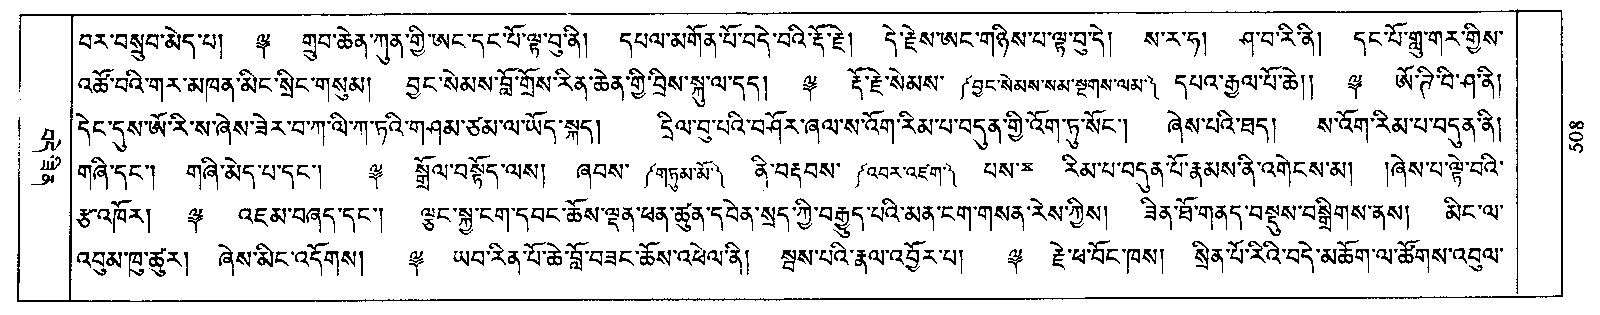བར་བསྲུབ་མེད་པ། ༈ གྲུབ་ཆེན་ཀུན་གྱི་ཨང་དང་པོ་ལྟ་བུ་ནི། དཔལ་མགོན་པོ་བདེ་བའི་རྡོ་རྗེ། དེ་རྗེས་ཨང་གཉིས་པ་ལྟ་བུ་དེ། ས་ར་ཧ། ཤ་བ་རི་ནི། དང་པོ་གླུ་གར་གྱིས་
འཚོ་བའི་གར་མཁན་མིང་སྲིང་གསུམ། བྱང་སེམས་བློ་གྲོས་རིན་ཆེན་གྱི་བྲིས་སྐུ་ལ་དད། ༈ རྡོ་རྗེ་སེམས་བྱང་སེམས་སམ་སྔགས་ལམ྄་དཔའ་རྒྱལ་པོ་ཆེ།། ༈ ཨོཾ་ཊི་བི་ཤ་ནི།
དེང་དུས་ཨོ་རི་ས་ཞེས་ཟེར་བ་ཀ་ལི་ཀ་ཏའི་གཤམ་ཙམ་ལ་ཡོད་སྐད། དྲིལ་བུ་པའི་བཤོར་ཞལ་ས་འོག་རིམ་པ་བདུན་གྱི་འོག་ཏུ་སོང་། ཞེས་པའི་ཐད། ས་འོག་རིམ་པ་བདུན་ནི།
གཞི་དང་། གཞི་མེད་པ་དང་། ༈ སྒྲོལ་བསྟོད་ལས། ཞབས ༼གཏུམ་མ྄ོ་ནི་བརྡབས་༽འབར་འཛག྄་པས་྾་རིམ་པ་བདུན་པོ་རྣམས་ནི་འགེངས་མ། །ཞེས་པ་ལྟེ་བའི་
རྩ་འཁོར། ༈ འཇམ་བཞད་དང་། ལྕང་སྐྱ་ངག་དབང་ཆོས་ལྡན་ཕན་ཚུན་དབེན་སྲད་ཀྱི་བརྒྱུད་པའི་མན་ངག་གསན་རེས་ཀྱིས། ཟིན་ཐོ་གནད་བསྡུས་བསྒྲིགས་ནས། མིང་ལ་
འབུམ་ཁུ་ཚུར། ཞེས་མིང་འདོགས། ༈ ཡབ་རིན་པོ་ཆེ་བློ་བཟང་ཆོས་འཕེལ་ནི། སྦས་པའི་རྣལ་འབྱོར་པ། ༈ རྗེ་ཕ་བོང་ཁས། སྲིན་པོ་རིའི་བདེ་མཆོག་ལ་ཚོགས་འབུལ་